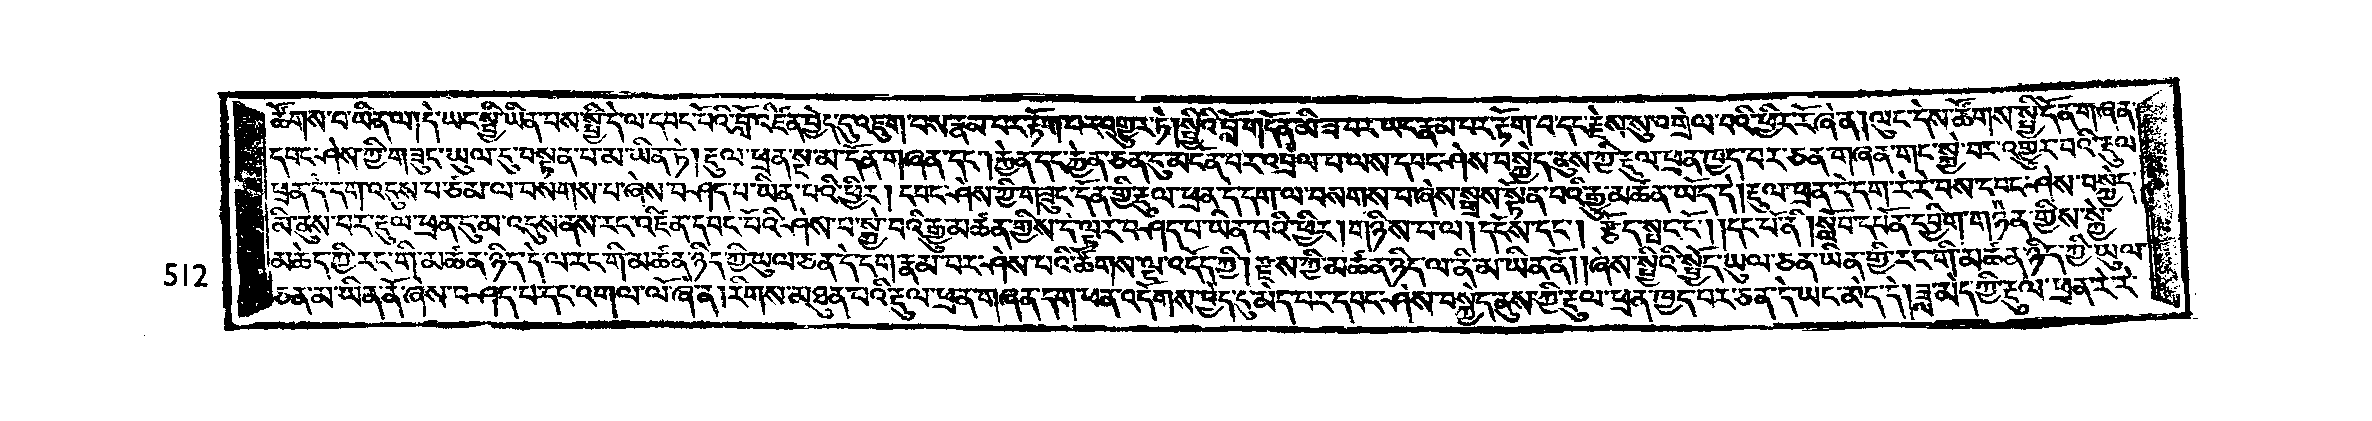ཚོགས་པ་ཡིན་ལ། དེ་ཡང་སྤྱི་ཡིན་པས་སྤྱི་དེ་ལ་དབང་པོའི་བློ་འཛིན་བྱེད་དུ་འཇུག་པས་རྣམ་པར་རྟོག་པར་འགྱུར་ཏེ། སྤྱིའི་བློ་གདོན་མི་ཟ་བར་ཡང་རྣམ་པར་རྟོག་པ་དང་རྗེས་སུ་འགྲེལ་བའི་ཕྱིར་རོ་ཞེ་ན། ལུང་དེས་ཚོགས་སྤྱི་དོན་གཞན་
དབང་ཤེས་ཀྱི་གཟུང་ཡུལ་དུ་བསྟན་པ་མ་ཡིན་ཏེ། རྡུལ་ཕྲན་སྔ་མ་དོན་གཞན་དང་། རྐྱེན་དང་རྐྱེན་ཅན་དུ་མངོན་པར་འབྲེལ་པ་ལས་དབང་ཤེས་བསྐྱེད་ནུས་ཀྱི་རྡུལ་ཕྲན་ཁྱད་པར་ཅན་གཞན་གང་སྐྱེ་བར་འགྱུར་བའི་རྡུལ་
ཕྲན་དེ་དག་འདུས་པ་ཙམ་ལ་བསགས་པ་ཞེས་བཤད་པ་ཡིན་པའི་ཕྱིར། དབང་ཤེས་ཀྱི་གཟུང་དོན་གྱི་རྡུལ་ཕྲན་དེ་དག་ལ་བསགས་པ་ཞེས་སྒྲས་སྟོན་པའི་རྒྱུ་མཚན་ཡོད་དེ། རྡུལ་ཕྲན་དེ་དག་རེ་རེ་བས་དབང་ཤེས་བསྐྱེད་
མི་ནུས་པར་རྡུལ་ཕྲན་དུ་མ་འདུས་ནས་རང་འཛིན་དབང་པོའི་ཤེས་པ་སྐྱེ་བའི་རྒྱུ་མཚན་གྱིས་དེ་ལྟར་བཤད་པ་ཡིན་པའི་ཕྱིར། གཉིས་པ་ལ། དངོས་དང་། རྩོད་སྤང་ངོ། །དང་པོ་ནི། སློབ་དཔོན་དབྱིག་གཉེན་གྱིས་སྐྱེ་
མཆེད་ཀྱི་རང་གི་མཚན་ཉིད་དེ་ལ་རང་གི་མཚན་ཉིད་ཀྱི་ཡུལ་ཅན་དེ་དག་རྣམ་པར་ཤེས་པའི་ཚོགས་ལྔ་འདེད་ཀྱི། རྫས་ཀྱི་མཚན་ཉིད་ལ་ནི་མ་ཡིན་ནོ། །ཞེས་སྤྱིའི་སྤྱོད་ཡུལ་ཅན་ཡིན་གྱི་རང་གི་མཚན་ཉིད་ཀྱི་ཡུལ་
ཅན་མ་ཡིན་ནོ་ཞེས་བཤད་པ་དང་འགལ་ལོ་ཞེ་ན། རིགས་མཐུན་པའི་རྡུལ་ཕྲན་གཞན་དག་ཕན་འདོགས་?་བྱེད་དུ་མེད་པར་དབང་ཤེས་བསྐྱེད་ནུས་ཀྱི་རྡུལ་ཕྲན་ཁྱད་པར་ཅན་དེ་ཡང་མེད་དེ། ཟླ་མེད་ཀྱི་རྡུལ་ཕྲན་རེ་རེ་